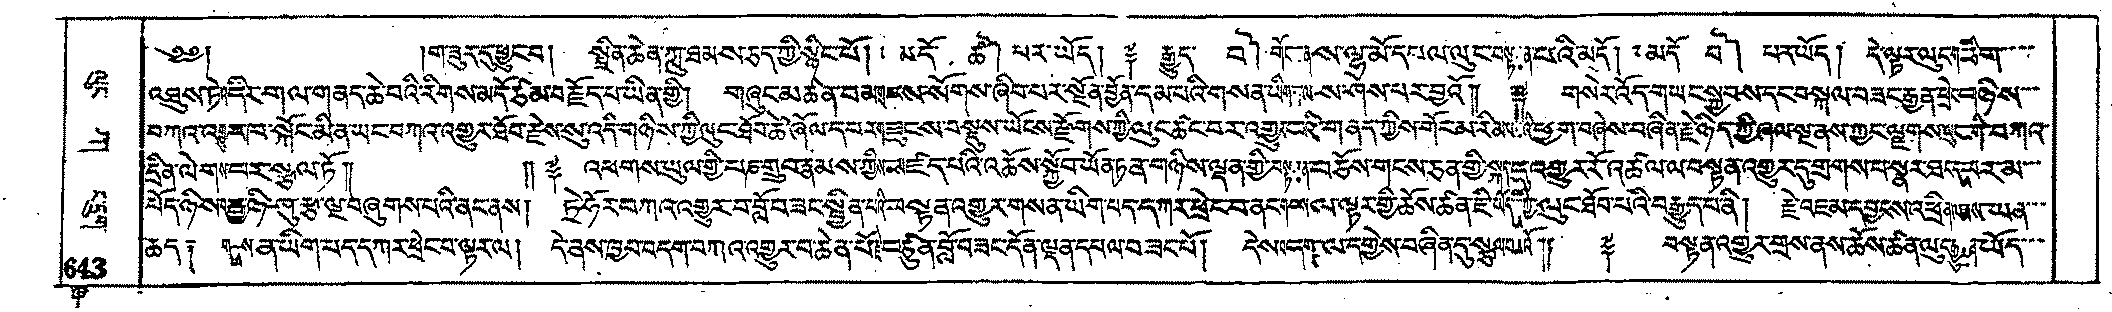༄༅། །ག་ཟུར་དུ་ཕྱུང་བ། སྤྲིན་ཆེན་ཀླུ་ཐམས་ཅད་ཀྱི་སྙིང་པོ། ༧་མདོ་ཚ༼་པར་ཡོད། འ་རྒྱུད་བ༽ གོང་ནས་ལྷ་མོ་དཔལ་ལུང་བསྟན་པའི་མདོ། ༧་མདོ་བ་པར་ཡོད། དེ་ལྟར་ལུང་གཅིག་
འཐུས་ཏེ་འདིར་གལ་གནད་ཆེ་བའི་རིགས་མདོ་ཙམ་བརྗོད་པ་ཡིན་གྱི། གཞུང་མཚན་བམ་གྲངས་སོགས་ཞིབ་པར་སྔོན་བྱོན་དམ་པའི་གསན་ཡིག་ལས་ཤེས་པར་བྱའོ།། འ་གསེར་འོད་གཡང་སྐྱབས་དང་བསྐལ་བཟང་རྒྱན་ཕྲེང་གཉིས་
བཀའ་འགྱུར་ཁ་སྐོང་མིན་ཡང་བཀའ་འགྱུར་ཐོབ་རྗེས་སུ་འདི་གཉིས་ཀྱི་ལུང་ཐོབ་ཚེ་ཞོལ་དཔར་གཟུངས་བསྡུས་ཡོངས་རྫོགས་ཀྱི་ལུང་ཚང་བར་འགྱུར་བའི་གནད་ཀྱིས་གོང་མ་རིམ་པའི་ཕྱག་བཞེས་བཞིན་རྗེ་ཉིད་ཀྱི་ཞལ་སྔ་ནས་ཀྱང་ལྗགས་ལུང་གི་བཀའ་
དྲིན་ལེགས་པར་སྩལ་ཏོ།། །། འ་འཕགས་ཡུལ་གྱི་པཎ་གྲུབ་རྣམས་ཀྱིས་མཛད་པའི་འཆོས་སྐྱོབ་ཡོན་ཏན་གཉིས་ལྡན་གྱི་བསྟན་བཅོས་གངས་ཅན་གྱི་སྐད་དུ་འགྱུར་རོ་འཚལ་ལ་བསྟན་འགྱུར་དུ་གྲགས་པ་སྣར་ཐང་དཔར་མ་
པོད་ཉིས་བརྒྱ་ཉི་ཤུ་རྩ་ལྔ་བཞུགས་པའི་ནང་ནས། ཏྲེ་ཧོར་བཀའ་འགྱུར་བ་བློ་བཟང་སྦྱིན་པའི་བསྟན་འགྱུར་གསན་ཡིག་པད་དཀར་ཕྲེང་བ་ནང་གསལ་ལྟར་གྱི་ཆོས་ཚན་ཇི་ཡོད་ཀྱི་ལུང་ཐོབ་པའི་བརྒྱུད་པ་ནི། རྗེ་འཇམ་དབྱངས་འཕྲིན་ལས་ཡན་
ཆད༑ གསན་ཡིག་པད་དཀར་ཕྲེང་བ་ལྟར་ལ། དེ་ནས་ཁྱབ་བདག་བཀའ་འགྱུར་བ་ཆེན་པོ་རྗེ་བཙུན་བློ་བཟང་དོན་ལྡན་དཔལ་བཟང་པོ། དེས་བདག་ལ་དགྱེས་བཞིན་དུ་སྩལ་བའོ།། འ་བསྟན་འགྱུར་གྲས་ནས་ཆོས་ཚན་ལུང་རྒྱུན་ཡོད་